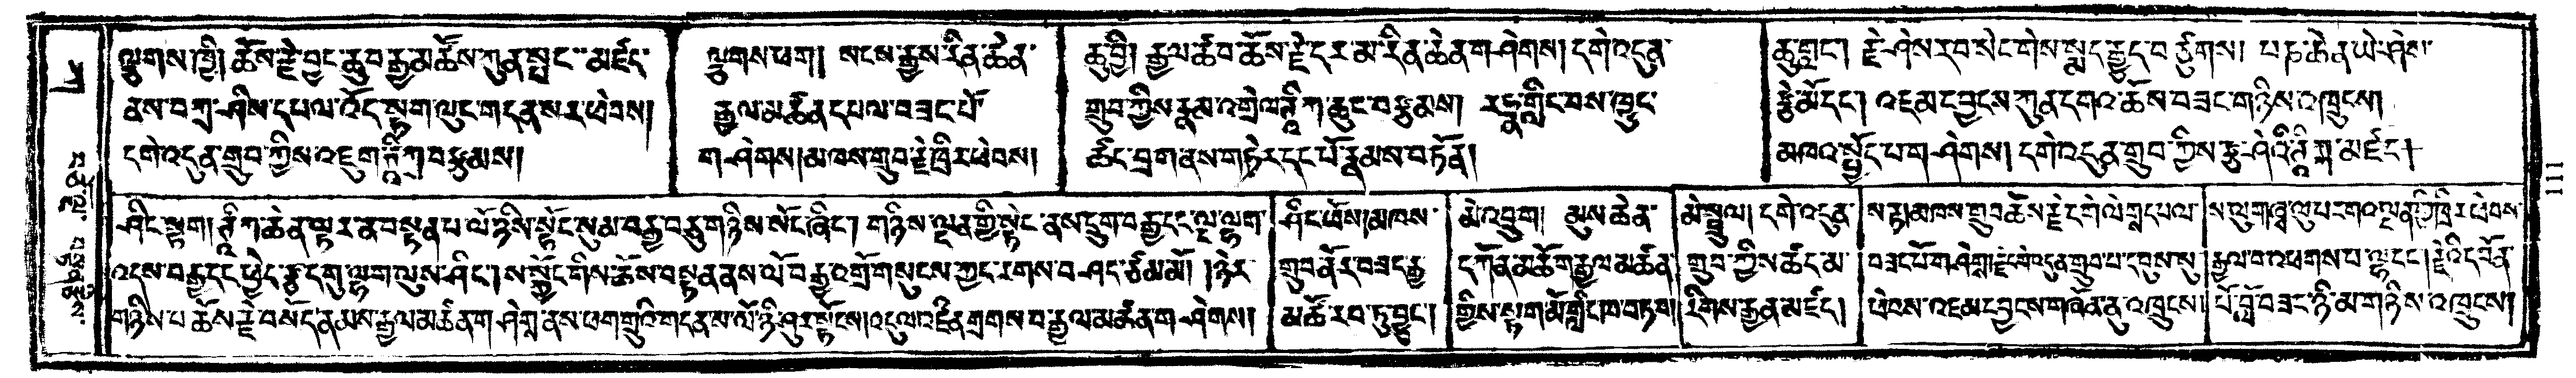༄༅། །ལྕགས་ཁྱི། ཆོས་རྗེ་བྱང་ཆུབ་རྒྱ་མཚོས་ཀུན་སྤང་མཛད། ལྕགས་ཕག། སངས་གྱས་རིན་ཆེན། ཆུ་བྱི། རྒྱལ་ཚབ་ཆོས་རྗེ་དར་མ་རིན་ཆེན་གཤེགས། དགེ་འདུན། ཆུ་གླང་། རྗེ་ཤེས་རབ་སེང་གེས་སྨད་རྒྱུད་བཙུགས་པཎ་ཆེན་ཡེ་ཤེས་
ནས་བཀྲ་ཤིས་དཔལ་འོད་སྟག་ལུང་གདན་སར་ཕེབས། རྒྱལ་མཚན་དཔལ་བཟང་པོ། གྲུབ་ཀྱིས་རྣམ་འགྲེལ་ཊཱི་ཀ་ཆུང་བརྩམས། རཏྣ་གླིང་བས་ཁྱུད། རྩེ་མོ་དང་། འཇམ་དབྱངས་ཀུན་དགའ་ཆོས་བཟང་གཉིས་འཁྲུངས།
དགེ་འདུན་གྲུབ་ཀྱིས་འཇུག་ཊཱི་ཀ་བརྩམས། གཤེགས་མཁས་གྲུབ་རྗེ་ཁྲིར་ཕེབས། ཚང་བྲག་ནས་གཏེར་དང་པོ་རྣམས་བཏོན། མཁའ་སྤྱོད་པ་གཤེགས། དགེ་འདུན་གྲུབ་ཀྱིས་རྩ་ཤེའི་ཊཱི་ཀྐ་མཛད།
ཤིང་སྟག། ཊཱི་ཀ་ཆེན་ལྟར་ན་བསྟན་ལོ་ཉིས་སྟོང་སུམ་བརྒྱ་བཅུ་གཉིས་སོང་ཞིང་། གཉིས་ལྡན་གྱི་སྟེང་ནས་དྲུག་བརྒྱ་དང་ལྔ་ལྷག། ཤིང་ཕོས་མཁས། མེ་འབྲུག། མུས་ཆེན། མེ་སྤྲུལ། དགེ་འདུན། སརྟ། མཁས་གྲུབ་ཆོས་རྗེ་དགེ་ལེགས་དཔལ། ས་ལུག་ཞྭ་ལུ་པ་དགའ་ལྡན་གྱི་ཁྲིར་ཕེབས་
འདས་བརྒྱ་དང་ཕྱེད་རྩ་དགུ་ལྷག་ལུས་ཤིང་། ས་སྐྱོང་གིས་ཆོས་བསྟན་ནས་ལོ་བརྒྱ་འགྲོ་གསུངས་ཀྱང་རགས་བཤད་ཙམ་མོ། །ཉེར། གྲུབ་ནོར་བཟང་རྒྱ། དཀོན་མཆོག་རྒྱལ་མཚན་གྲུབ་ཀྱིས་ཚད་མ། བཟང་པོ་གཤེགས། རྗེད་?་འདུན་གྲུབ་པ་དབུས་སུ། རྒྱལ་པ་འཕགས་པ་ལྷ་དང་། ཇེའི་དབོན་
གཉིས་པ་ཆོས་རྗེ་བསོད་ནམས་རྒྱལ་མཆིན་གསེཧགས་ནས་པག་གྲུའུ་གདན་ལོ་ཉི་ཤུར་སྟོངས། འདུལ་འཛིན་གྲགས་བ་རྒྱལ་མཚན་གཤེགས། མཚོ་རབ་ཏུ་བྱུང་། གྱིས་སྟག་མོ་གླིང་ཁ་བཏབ། རིགས་རྒྱན་མཛད། ཕེབས་འཇམ་དབྱངས་གཞོན་ནུ་འཁྲུངས། པོ་བློ་བཟང་ཉི་མ་གཉིས་འཁྲུངས་